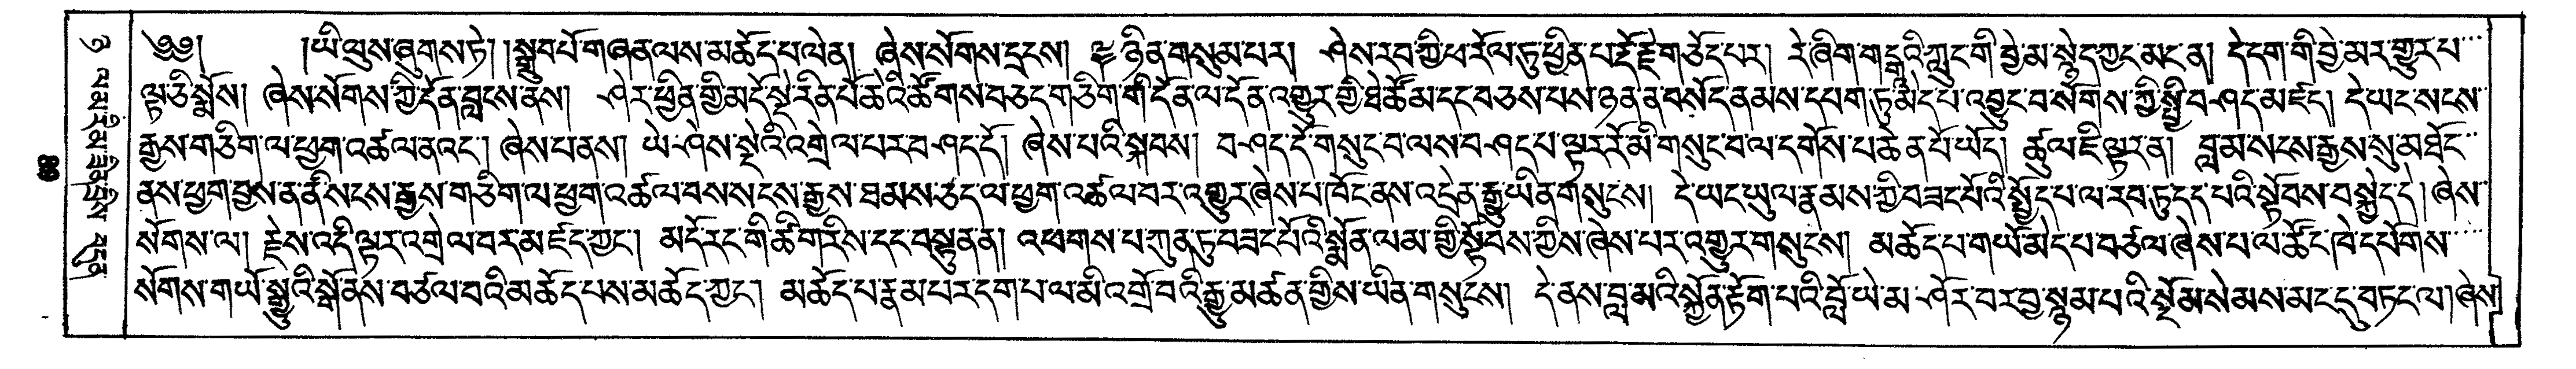༄༅། །ཡི་ལུས་ཞུགས་ཏེ། །སྒྲུབ་པོ་གཞན་ལས་མཆོད་པ་ལེན། ཞེས་སོགས་དྲངས། ༈ ཉིན་གསུམ་པར། ཤེས་རབ་ཀྱི་ཕ་རོལ་ཏུ་ཕྱིན་པ་རྡོ་རྗེ་གཅོད་པར། རེ་ཞིག་གངྒའི་ཀླུང་གི་བྱེ་མ་སྙེད་ཀྱང་མང་ན། དེ་དག་གི་བྱེ་མར་གྱུར་པ་
ལྟ་ཅི་སྨོས། ཞེས་སོགས་ཀྱི་དོན་བླངས་ནས། ཤེར་ཕྱིན་གྱི་མདོ་སྡེ་རིན་པོ་ཆེའི་ཚིགས་བཅད་གཅིག་གི་དོན་ལ་དོན་འགྱུར་གྱི་ཐེ་ཚོམ་དང་བཅས་པས་ཉན་ན་བསོད་ནམས་དཔག་ཏུ་མེད་པ་འབྱུང་བ་སོགས་ཀྱི་སྤྱི་བཤད་མཛད། དེ་ཡང་སངས་
རྒྱས་གཅིག་ལ་ཕྱག་འཚལ་ནའང་། ཞེས་པ་ནས། ཡེ་ཤེས་སྡེའི་འགྲེལ་པར་བཤད་དོ། ཞེས་པའི་སྐབས། བཤད་དོ་གསུང་བ་ལས་བཤད་པ་ལྟར་རོ་མི་གསུང་བ་ལ་དགོས་པ་ཆེན་པོ་ཡོད། ཚུལ་ཇི་ལྟར་ན། བླ་མ་སངས་རྒྱས་སུ་མཐོང་
ནས་ཕྱག་བྱས་ན་ནི་སངས་རྒྱས་གཅིག་ལ་ཕྱག་འཚལ་བས་སངས་རྒྱས་ཐམས་ཅད་ལ་ཕྱག་འཚལ་བར་འགྱུར་ཞེས་པ་ཁོང་ནས་འདྲེན་རྒྱུ་ཡིན་གསུངས། དེ་ཡང་ཡུལ་རྣམས་ཀྱི་བཟང་པོའི་སྤྱོད་པ་ལ་རབ་ཏུ་དད་པའི་སྟོབས་བསྐྱེད་དེ། ཞེས་
སོགས་ལ། རྗེས་འདི་ལྟར་འགྲེལ་བར་མཛད་ཀྱང་། མདོ་རང་གི་ཚིག་རིས་དང་བསྟུན་ན། འཕགས་པ་ཀུན་ཏུ་བཟང་པོའི་སྨོན་ལམ་གྱི་སྟོབས་ཀྱིས་ཞེས་པར་འགྱུར་གསུངས། མཆོད་པ་གཡོ་མེད་པ་བཙལ་ཞེས་པ་ལ་ཚོང་ཁེ་དཔོགས་
སོགས་གཡོ་སྒྱུའི་སྒོ་ནས་བཙལ་བའི་མཆོད་པས་མཆོད་ཀྱང་། མཆོད་པ་རྣམ་པར་དག་པ་ལ་མི་འགྲོ་བའི་རྒྱུ་མཚན་གྱིས་ཡིན་གསུངས། དེ་ནས་བླ་མའི་སྐྱོན་རྟོག་པའི་བློ་ཡེ་མ་ཤོར་བར་བྱ་སྙམ་པའི་སྡོམ་སེམས་མང་དུ་བཏང་ལ། ཞེས་